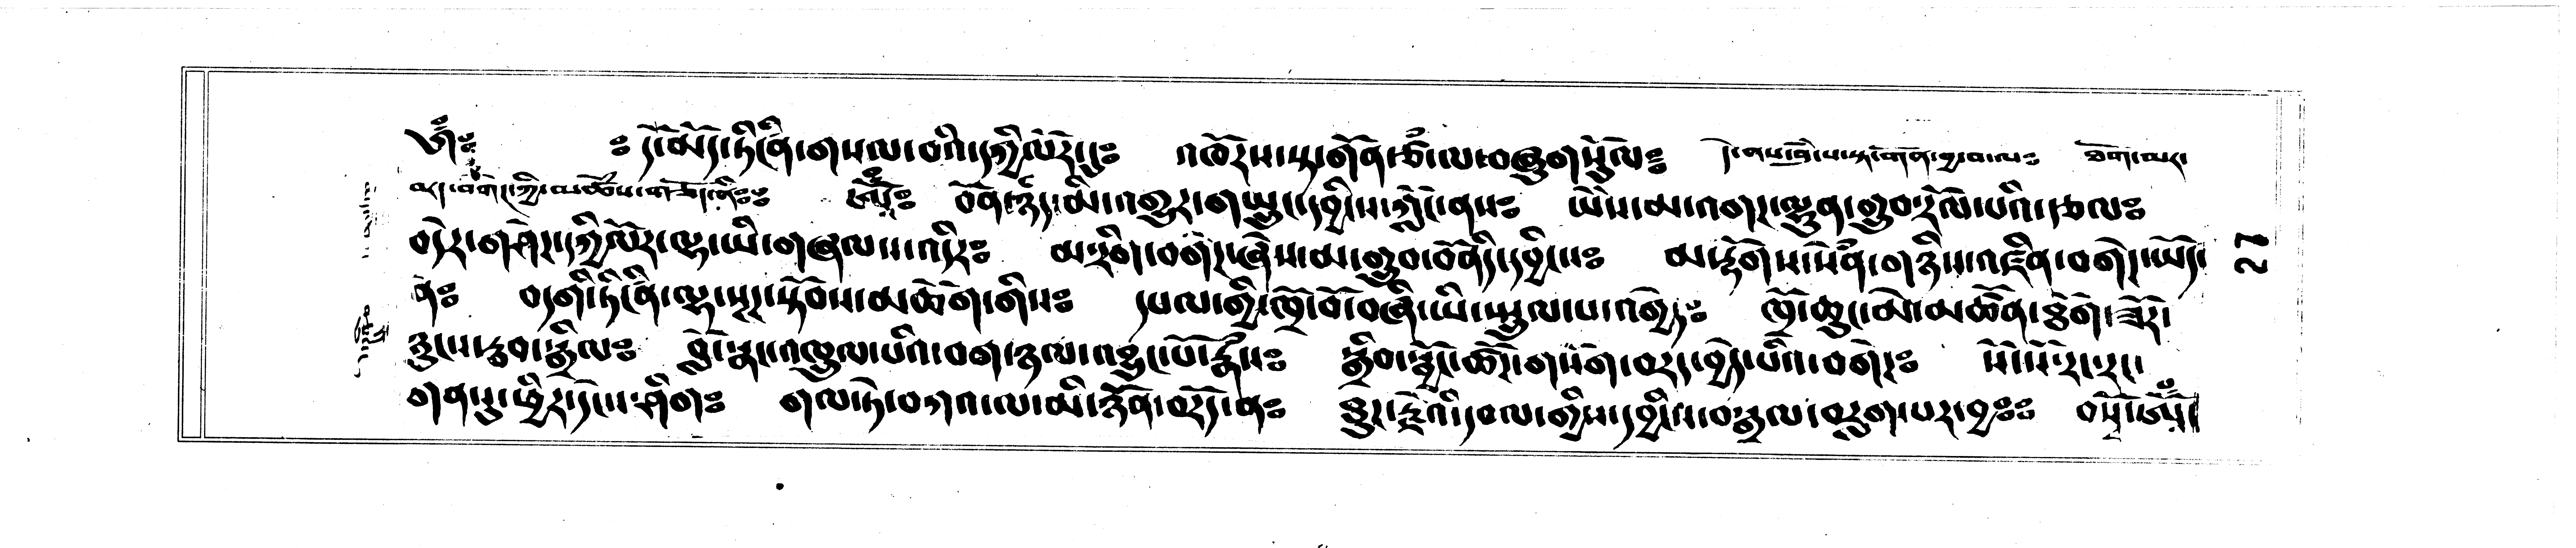དོ་མོད་ཏིང་འཛིན་གསལ་བའི་དཀྱིལ་འཁོར་དུཿ འཁོར་བཅས་སྟ་གོན་ཙམ་ལ་བཞུགས་སུ་གསོལཿ དེ་ནས་བུམ་པ་སྟ་གོན་བྱ་ལཿ ཐོག་མར་
བར་ཆད་བགེགས་ཀྱི་མཚམས་གཅོད་ནིཿ ཨཱོྃ་བོན་ཉིད་མི་འགྱུར་གཡུང་དྲུང་དབྱིངས་ཀློ་ནསཿ ཡེ་ཤེས་མ་འགག་ལྷུན་གྲུབ་རོལ་པའི་རྩལཿ 
བདེར་གཤེགས་དཀྱིལ་འཁོར་ལྷ་ཡི་གཞལ་ཡས་འདིརཿ མ་རིག་བགེགས་ཞེས་མ་གྲུབ་བོན་ཉིད་དབྱིངསཿ མ་རྟོགས་སེམས་ཅན་གཉིས་འཛིན་བགེགས་ཡོད་
ནཿ བདག་གི་ཏིང་འཛིན་ལྷ་སྔགས་སྟོབས་མཆོག་གིསཿ དཔལ་གྱི་ཁྲོ་བོ་བཞི་ཡི་སྤྲུལ་པ་འགྱེདཿ ཁྲོ་ཆུང་མེ་མཚོན་ཐོག་ཟོར་
ཉུང་རྦབ་སྒྲིལཿ བློ་སྣང་འཁྲུལ་པའི་བག་ཉལ་འབྱུང་པོ་རྣམསཿ སྒྲིབ་སྦྱང་ཚོགས་གསོག་བར་ཆད་བྱེད་པའི་བགེགསཿ སོ་སོ་རང་རང་
གནས་སུ་ཕྱིར་དེངས་ཤིགཿ གལ་ཏེ་བཀའ་ལས་མི་ཉོན་བར་ཆོད་ནཿ ཐུགས་རྗེའི་དབལ་གྱིས་དབྱིངས་བསྒྲལ་བརླག་པར་བྱཿ བསྭོ་ཨཱོྃ་